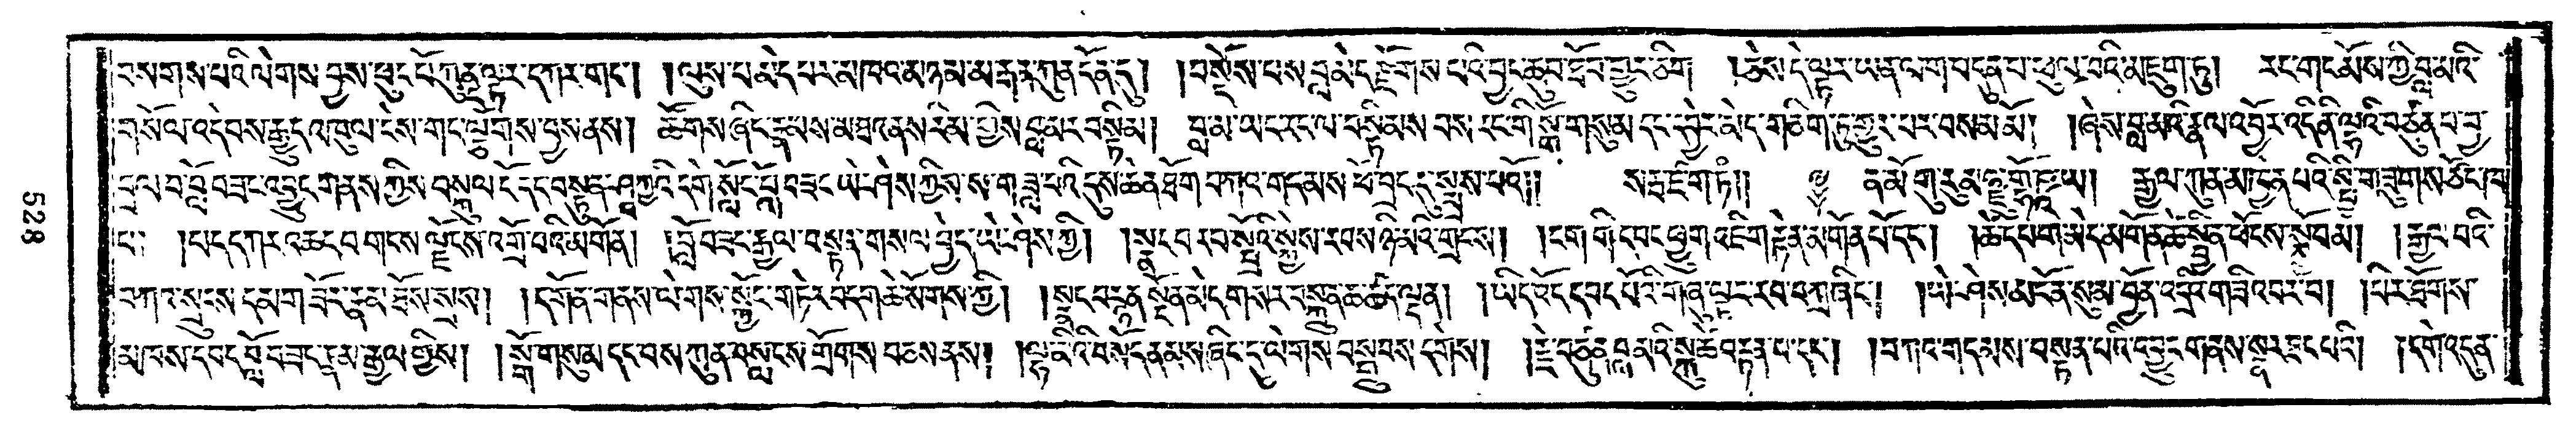བསགས་པའི་ལེགས་བྱས་ཕུང་པོ་ཀུནྡ་ལྟར་དཀར་གང་། །ལུས་པ་མེད་པར་མཁའ་མཉམ་མ་རྒན་ཀུན་དོན་དུ། །བསྔོས་པས་བླ་མེད་རྫོགས་པའི་བྱང་ཆུབ་ཐོབ་གྱུར་ཅིག །ཅེས་དེ་ལྟར་ཡན་ལག་བདུན་པ་ཕུལ་བའི་མཇུག་ཏུ། རང་གང་མོས་ཀྱི་བླ་མའི་
གསོལ་འདེབས་རྒྱུད་འཁུལ་ངེས་གང་ལྕོགས་བྱས་ནས། ཚོགས་ཞིང་རྣམས་མཐའ་ནས་རིམ་གྱིས་བལ་མར་བསྟིམ། བླ་མ་ཡང་རང་ལ་བསྟིམས་པས་རང་གི་སྒོ་གསུམ་དང་དབྱེར་མེད་གཅིག་ཏུ་གྱུར་པར་བསམ་མོ། །ཞེས་བླ་མའི་རྣལ་འབྱོར་འདི་ནི་ལྷའི་བཙུན་པ་བྱ་
བྲལ་བ་བློ་བཟང་འབྱུང་གནས་ཀྱིས་བསྐུལ་ངོ་དང་བསྟུན་ཤཱཀྱའི་དགེ་སློང་བློ་བཟང་ཡེ་ཤེས་ཀྱིས་ས་ག་ཟླ་བའི་དུས་ཆེན་ཐོག་བཀའ་གདམས་ཕོ་བྲང་དུ་སྨྲས་པའོ།། སརྦ་ཛ་ག་ཏཾ།། ༈ ན་མོ་གུ་རུ་མཉྫུ་གྷོ་ཥཱ་ཡ། རྒྱལ་ཀུན་མཁྱེན་པའི་སྤྱི་གཟུགས་ཙོང་ཁ་
པ། །པད་དཀར་འཆང་བ་གངས་ལྗོངས་འགྲོ་བའི་མགོན། །བློ་བཟང་རྒྱལ་བསྟན་གསལ་བྱེད་ཡེ་ཤེས་ཀྱི། །སྣང་བ་རབ་སྤྲོའི་སྐྱེས་རབས་ཉི་མའི་གྲངས། །ངག་གི་དབང་ཕྱུག་འཇིག་རྟེན་མགོན་པོ་དང་། །ཚེ་དཔག་མེད་མགོན་ཚེ་སྦྱིན་ཕོངས་སྐྱོབ་མ། །རྒྱལ་བའི་
བཀའ་སྲུངས་དམག་ཟོར་རྣམ་ཐོས་སྲས། །དགོན་གནས་ལེགས་སྐྱོང་གཏེར་བདག་ཆེ་སོགས་ཀྱི། །སྣང་བརྙན་སྔོན་མེད་གསར་བསྐྲུན་ཆ་ཚད་ལྡན། །ཡིད་འོང་དབང་པོའི་གཞུ་ལྟར་རབ་བཀྲ་ཞིང་། །ཡེ་ཤེས་མངོན་སུམ་བྱོན་འདྲའི་གཟི་འབར་བ། །པིར་ཐོགས་
མཁས་དབང་བློ་བཟང་རྣམ་རྒྱལ་གྱིས། །སྒོ་གསུམ་དང་བས་ཀུན་བསླངས་གྲོགས་བཅས་ནས། །ལྷ་མིའི་བསོད་ནམས་ཞིང་དུ་ལེགས་བསྒྲུབས་དགེས། །རྗེ་བཙུན་བླ་མའི་སྐུ་ཚེ་བརྟན་པ་དང་། །བཀའ་གདམས་བསྟན་པའི་འབྱུང་གནས་སྣར་ཐང་པའི། །དགེ་འདུན་